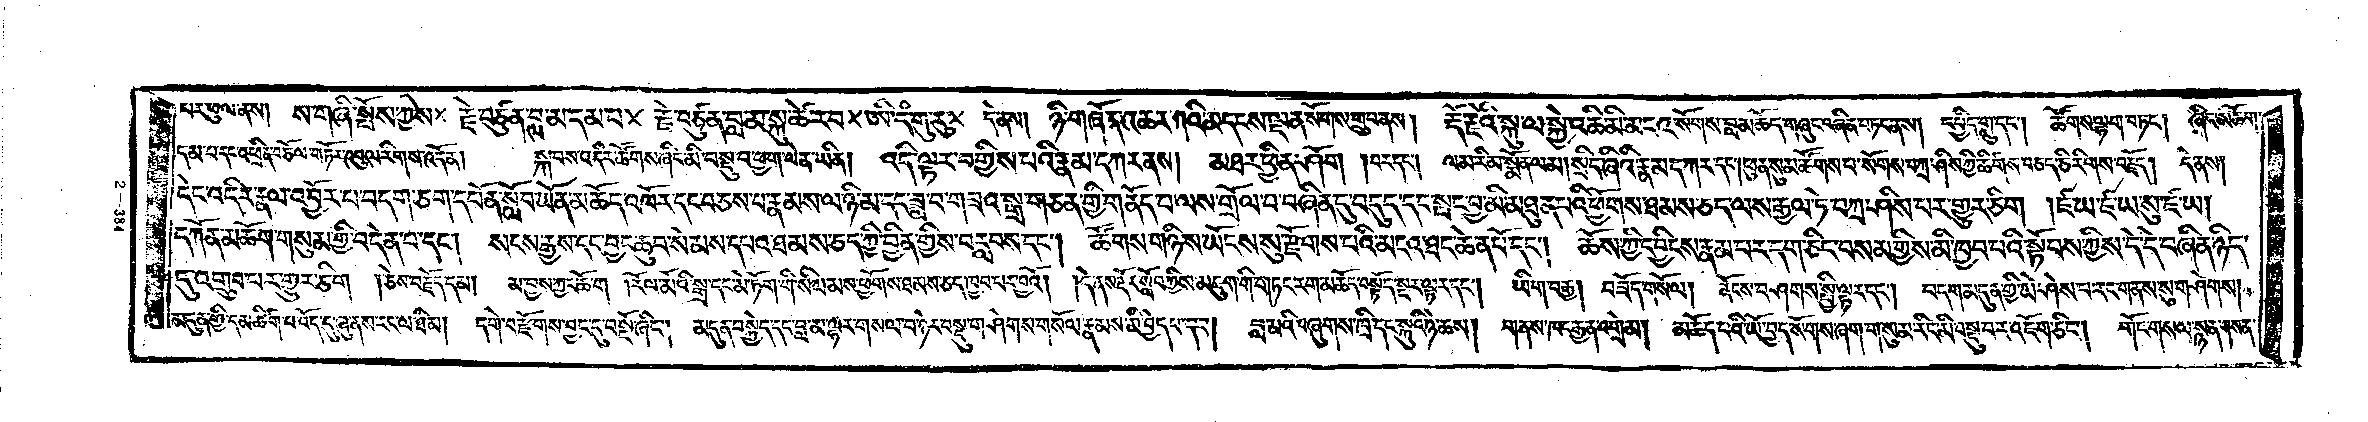?་གཞི་སྤོས་ཀྱིས྾་རྗེ་བཙུན་བླ་མ་དམ་བ྾་རྗེ་བཙུན་བླ་མ་སྐུ་ཚེ་རབ྾་ཨི་དཾ་གུ་རུ྾་དེ་ནས།  ཉི་གཞོན་འཆར་ཀའི་མདངས་ལྡན་སོགས་གྲུབ་ནས།  རྡོ་རྗེའི་སྐུ་ལ་སྐྱེ་འཆི་མི་མངའ་སོགས་བླ་མཆོད་གཞུང་བཞིན་བཏང་ནས། དཔྱིད་གླུ་དང་། ཚོགས་ལྷག་བཏང་། ཞིང་མཆོག་
དམ་པ་དང་འཁྲིན?་བཅོལ་གཏོར་འབུལ་རིགས་འདོན། སྐབས་འདིར་ཚོགས་ཞིང་མི་བསྡུ་བ་ཕྱག་ལེན་ཡིན། འདི་ལྟར་བགྱིས་པའི་རྣམ་དཀར་ནས། མཐར་ཕྱིན་ཤོག་།བར་དང་། ལམ་རིམ་སྨོན་ལམ། སྲིད་ཞིའི་རྣམ་དཀར་དང་། ཕུན་སུམ་ཚོགས་པ་སོགས་བཀྲ་ཤིས་ཀྱི་ཚིགས་བཅད་ཅི་རིགས་བརྗོད། དེ་ནས།
དེང་འདིར་རྣལ་འབྱོར་པ་བདག་ཅག་དཔོན་སློབ་ཡོན་མཆོད་འཁོར་དང་བཅས་པ་རྣམས་ལ་ཉི་མ་དང་ཟླ་བ་གཟའ་སྒྲ་གཅན་གྱི་གནོད་པ་ལས་གྲོལ་པ་བཞིན་དུ་བདུད་དང་སྤང་བྱ་མི་མཐུན་པའི་ཕྱོགས་ཐམས་ཅད་ལས་རྒྱལ་ཏེ་བཀྲ་ཤིས་པར་གྱུར་ཅིག །ཛ་ཡ་ཛ་ཡ་སུ་ཛ་ཡ།
དཀོན་མཆོག་གསུམ་གྱི་བདེན་པ་དང་། སངས་རྒྱས་དང་བྱང་ཆུབ་སེམས་དཔའ་ཐམས་ཅད་ཀྱི་བྱིན་གྱིས་བརླབས་དང་། ཚོགས་གཉིས་ཡོངས་སུ་རྫོགས་པའི་མངའ་ཐང་ཆེན་པོ་དང་། ཆོས་ཀྱི་དབྱིངས་རྣམ་པར་དག་ཅིང་བསམ་གྱིས་མི་ཁྱབ་པའི་སྟོབས་ཀྱིས་དེ་དེ་བཞིན་ཉིད་
དུ་འགྲུབ་པར་གྱུར་ཅིག །ཅེས་བརྗོད་དམ། མ་བྱས་ཀྱང་ཆོ་ག །རོལ་མོའི་སྒྲ་དང་མེ་ཏོག་གི་སིལ་མས་ཕྱོགས་ཐམས་ཅད་ཁྱབ་པར་བྱའོ། །དེ་ནས་རྡོར་སློབ་ཀྱིས་མཇུག་གི་གཏང་རག་མཆོད་བསྟོད་སྔར་ལྟར་དང་། ཡིག་བརྒྱ། བཟོད་གསོལ། ནོངས་བཤགས་སྤྱི་ལྟར་དང་། བདག་མདུན་གྱི་ཡེ་ཤེས་བ་རང་གནས་སུ་གཤེགས།
བདུན་གྱི་དམ་ཚིག་པ་བོད་དུ་ཞུ་ནས་རང་ལ་ཐིམ། དགེ་བརྫོགས་བྱང་དུ་བསྔོ་ཞིང་། མདུན་བསྐྱེད་དང་བླ་མ་ལྷར་གསལ་བ་ཉར་བསྡུ་གཤེགས་གསོལ་རྣམས་མི་བྱེད་པ་དང་། བླ་མའི་བཞུགས་ཁྲི་དང་སྐུའི་ཉེ་ཆས། གནས་ཁ་རྒྱན་འགྲེམ། མཆོད་པའི་ཡོ་བྱད་སོགས་ཞག་གསུམ་རིང་མི་བསྡུ་བར་འཇོག་ཅིང་། གོང་གསལ་སྙན་གསན་